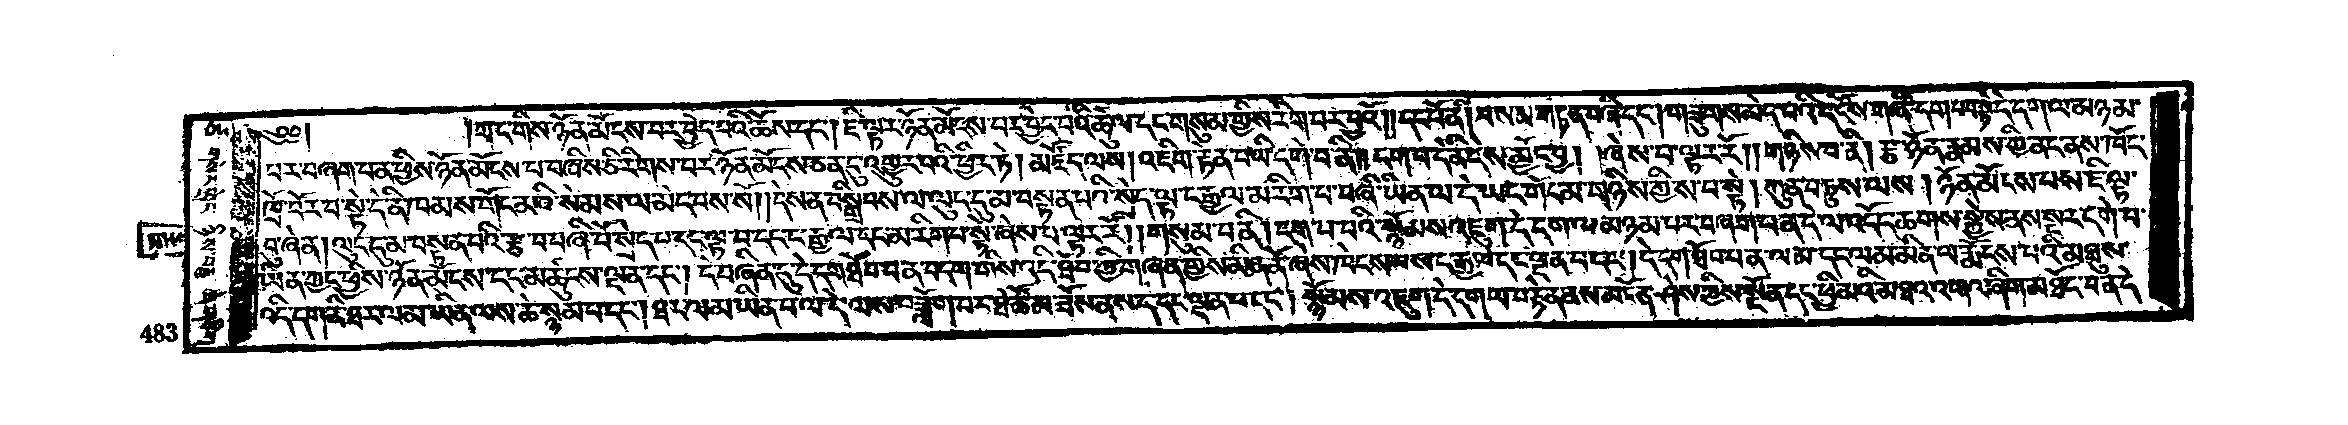༄༅། །གང་གིས་ཉོན་མོངས་པར་བྱེད་པའི་ཆོས་དང་། ཇི་ལྟར་ཉོན་མོངས་པར་བྱེད་པའི་ཚུལ་དང་གསུམ་གྱིས་རིག་པར་བྱའོ། །དང་པོ་ནི། བསམ་གཏན་བཞི་དང་། གཟུགས་མེད་པའི་དངོས་གཞི་དག་པ་བ་སྟེ་དེ་དག་ལ་མཉམ་
པར་བཞག་པ་ན་ཕྱིས་ཉོན་མོངས་པ་བཞིས་ཅི་རིགས་པར་ཉོན་མོངས་ཅན་དུ་འགྱུར་བའི་ཕྱིར་ཏེ། མཛོད་ལས། འཇིག་རྟེན་པ་ཡི་དགེ་བ་ནི། །དག་པ་དེ་ནི་དེས་མྱོང་བྱ། །ཞེས་པ་ལྟར་རོ། །གཉིས་པ་ནི། རྩ་ཉོན་རྣམས་ཀྱི་ནང་ནས་ཁོང་
ཁྲོ་བོར་བ་སྟེ་དེ་ནི་ཁམས་གོང་མའི་སེམས་ལ་མེད་པས་སོ། །དེས་ན་བསྒྲིབས་ལ་ལུང་དུ་མ་བསྟན་པའི་སྲེད་ལྟ་ང་རྒྱལ་མ་རིག་པ་བཞི་ཡིན་ལ་དེ་ཡང་གོང་མ་གཉིས་ཀྱི་ས་པ་སྟེ། ཀུན་བཏུས་ལས། ཉོན་མོངས་པས་ཇི་ལྟ་
བུ་ཞེ་ན། ལུང་དུ་མ་བསྟན་པའི་རྩ་བ་བཞི་པོ་སྲེད་པ་དང་ལྟ་བ་དང་ང་རྒྱལ་དང་མ་རིག་པ་སྟེ་ཞེས་པ་ལྟར་རོ། །གསུམ་པ་ནི། དག་པ་བའི་སྙོམས་འཇུག་དེ་དག་ལ་མཉམ་པར་བཞག་པ་ན་དེ་ལ་འདོད་ཆགས་སྐྱེས་ནས་སྔར་དགེ་བ་
ཡིན་ཀྱང་ཕྱིས་ཉོན་མོངས་དང་མཚུངས་ལྡན་དང་། དེ་བཞིན་དུ་དེ་དག་ཐོབ་པ་ན་བདག་གིས་འདི་ཐོབ་ཀྱི་གཞན་གྱིས་མིན་ནོ་ཞེས་ཁེངས་པས་ང་རྒྱལ་དང་ལྡན་པ་དང་། དེ་དག་ཐོབ་པ་ན་ལམ་དང་ལམ་མིན་ལ་རྨོངས་པའི་མཐུས་
འདི་དག་ནི་ཐར་ལམ་ཡིན་ལས་ཆེ་སྙམ་པ་དང་། ཐར་ལམ་ཡིན་པ་ལ་དེ་ལས་བཟློག་པར་ཐེ་ཚོམ་ཟོས་ནས་དེ་དང་ལྡན་པ་དང་། སྙོམས་འཇུག་དེ་དག་ལ་བརྟེན་ནས་མངོན་ཤེས་ཀྱིས་སྔོན་དང་ཕྱི་མའི་མཐའ་འགའ་ཞིག་མཐོང་བ་ན་དེ་